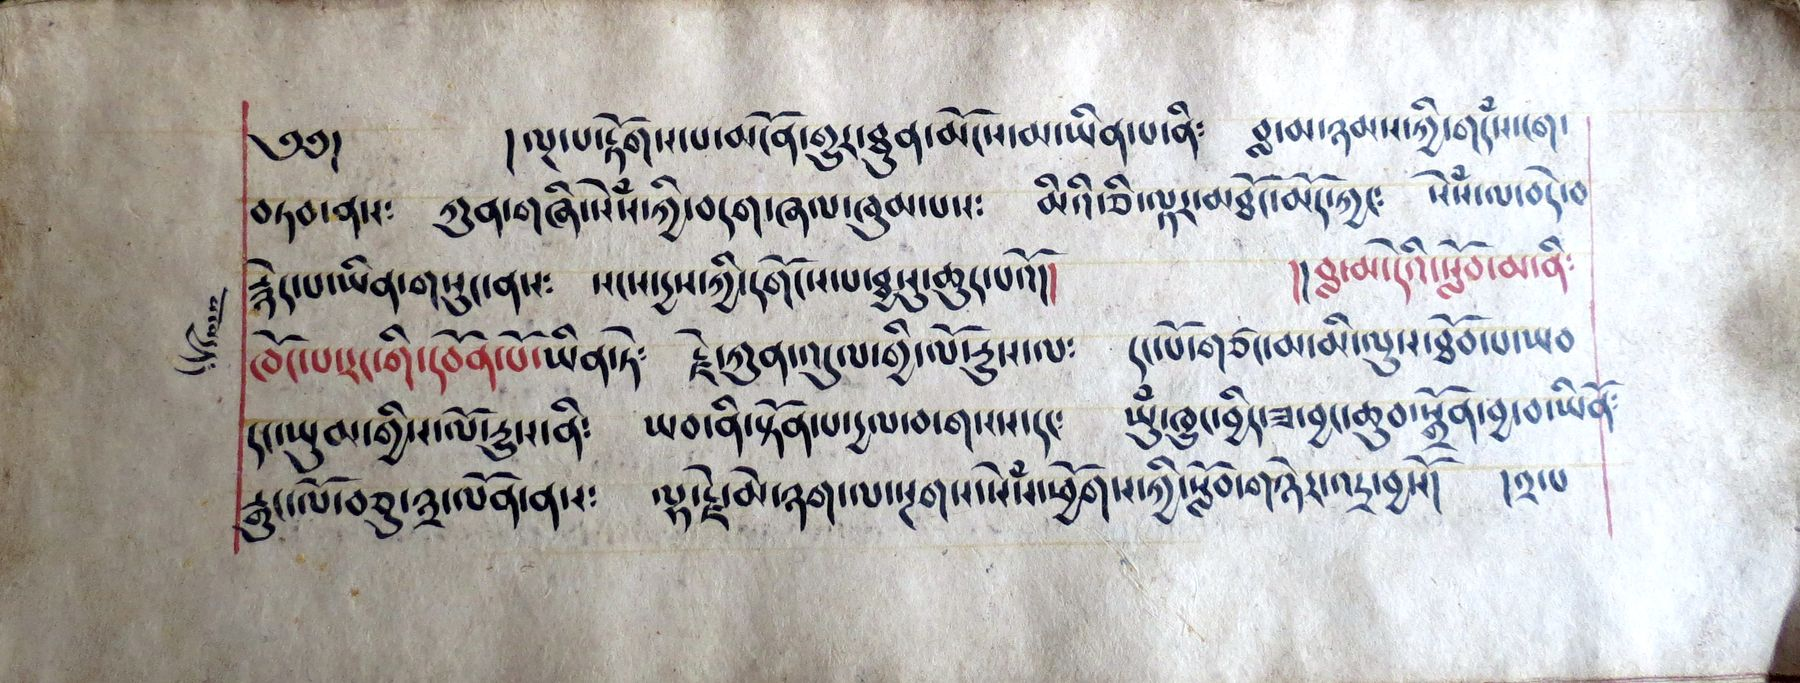ལྔ་པ་རྟོགས་པ་མངོན་གྱུར་ཐུན་མོང་མ་ཡིན་པ་ནི་བླ་མས་ཉམས་ཀྱི་གདམས་ངག་
བཏབ་ནས། ཀུན་གཞི་སེམས་ཀྱི་བདག་ཞལ་ཁུམས་པས། མིའི་ཅི་ལྟར་མཐོང་མོད་ཀྱང་། སེམས་ལ་བདེ་བ་
རྙེད་པ་ཡིན་གསུངས་ནས། སངས་རྒྱས་ཀྱི་དགོངས་པ་ཐུགས་སུ་ཆུད་པའོ། །བླ་མ་དེའི་སློབ་མ་ནི། 
ཁོང་པ་རང་གི་དབོན་པོ་ཡིན་ཏེ། རྗེ་ཀུན་འདུལ་གྱི་ལོ་རྒྱུས་ལ་ལྔ། དང་པོ་གཙང་མ་མི་ལུས་ཐོབ་པ་ཡབ་
དང་ཡུམ་གྱི་ལོ་རྒྱུས་ནི། ཡབ་ནི་སྟོན་པ་རྒྱལ་བ་གསས་དང་། ཡུམ་ཁྱུང་བྱིད་བཟའ་བྱང་ཆུབ་སྒྲོན་བྱ་བ་ཡིན། 
དགུང་ལོ་བཅུ་གསུམ་ལོན་ནས་ལྷ་རྗེ་མེ་ཉག་ལ་སྔགས་སེམས་ཕྱོགས་ཀྱི་སློབ་གཉེར་འདྲ་བྱས་སོ། །གཉིས་པ་